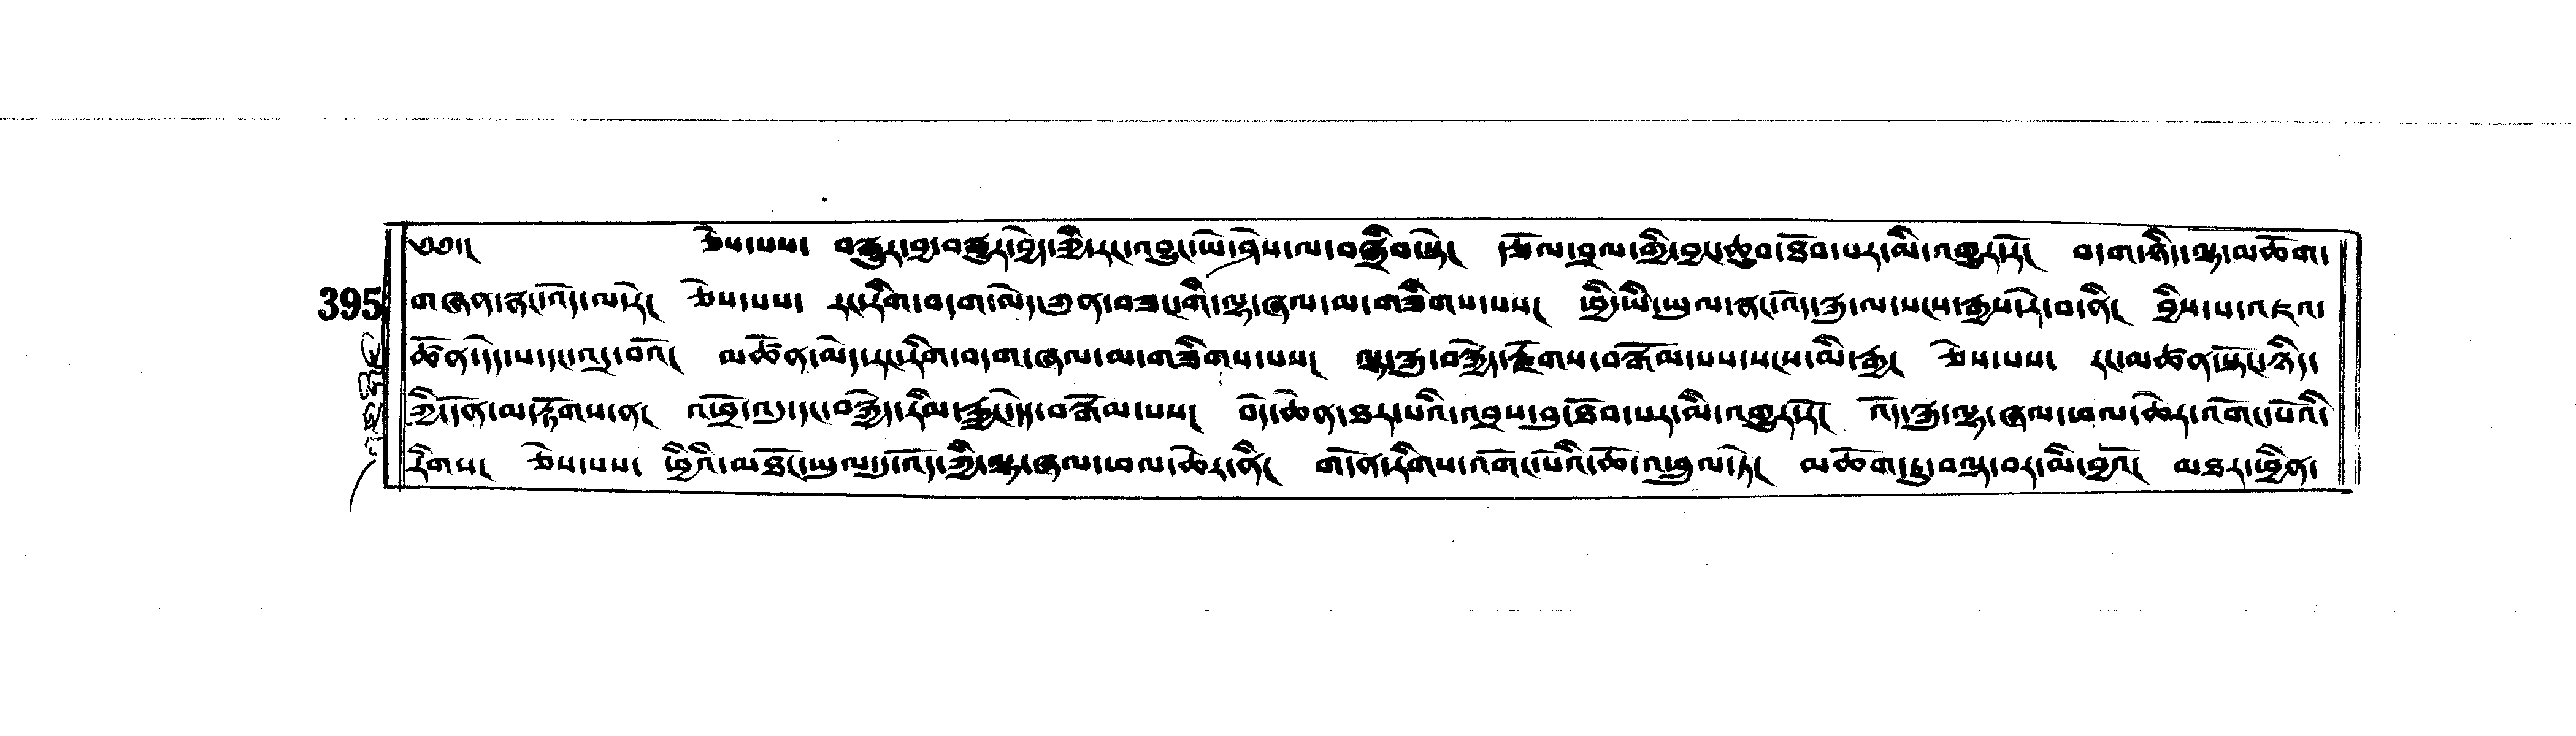ཅེས་པས། བསྒྱུར་བྱ་སྒྱུར་བྱེད་ཀྱིས་རང་འབྱུང་ཡེ་ཤེས་ལ་བསྒྲིབས་ཏེ། རྩོལ་བྲལ་གྱི་བྱང་ཆུབ་ཐོབ་པར་མི་འགྱུར་རོ། བདག་ཉིད་ལྷ་མཆོག་
གཞན་སྣང་འོད་ལ་རེ། ཅེས་པས། རང་རིག་བདག་མེད་ཀུན་བཟང་གི་ལྷ་ཞལ་ལ་གཟིགས་པས། ཕྱི་ཡི་ཡུལ་སྣང་འོད་སྐུ་ལ་སངས་རྒྱས་རེ་བ་ནི། བྱིས་པ་འཇའ་
ཚོན་དེད་པ་དང་འདྲའོ། མཚོན་མེད་རང་རིག་བདག་ཞལ་ལ་གཟིགས་པས། ལྷ་སྐུ་བསྐྱེད་རྫོགས་བསྒོམ་པས་སངས་མི་རྒྱ། ཅེས་པས། རང་མཚན་སྟོང་ཉིད་
ཀྱི་དོན་མ་རྟོགས་ན། འཕྲོ་འདུ་དང་བསྐྱེད་རིམ་རྐྱང་དེད་བསྒོམས་པས། བདེ་ཆེན་ཐར་པའི་འབྲས་བུ་ཐོབ་པར་མི་འགྱུར་རོ། འོད་སྐུ་ལྷ་ཞལ་ཕལ་ཆེར་མགོན་པོའི་
རིགས། ཅེས་པས། ཕྱི་ཡི་མཐོང་ཡུལ་དུ་འོད་ཀྱི་ལྷ་ཕལ་ཆེར་ནི། གདོན་རིགས་འགོང་པོའི་ཆོ་འཕྲུལ་ཏེ། མཆོག་ཏུ་ལྟ་བར་མི་བྱའོ། མཐར་ཕྱིན་